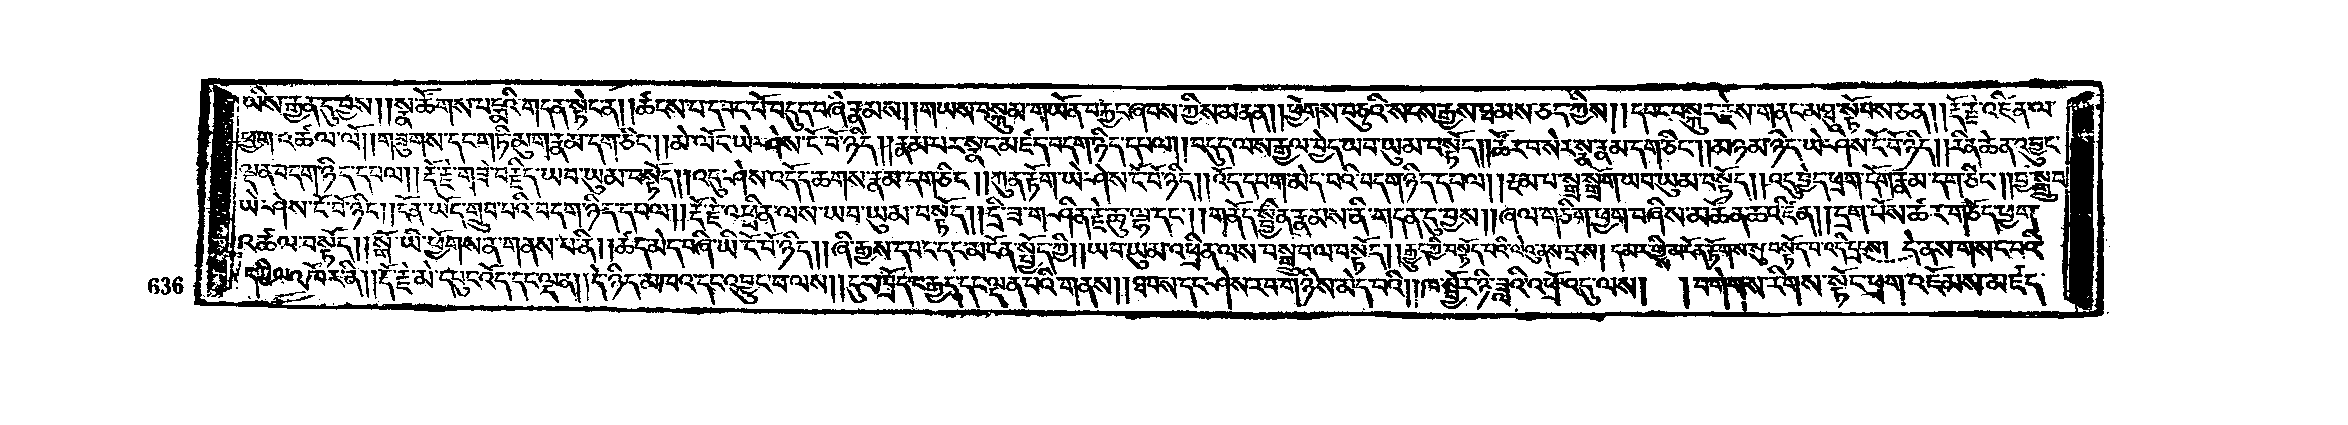ཡིས་རྒྱན་དུ་བྱས། །སྣ་ཚོགས་པདམའི་གདན་སྟེང་ན། །ཚངས་པ་དབང་པོ་བདུད་བཞི་རྣམས། །གཡས་བསྐུམ་གཡོན་བརྐྱང་ཞབས་ཀྱིས་མནན། །ཕྱོགས་བཅུའི་སངས་རྒྱས་ཐམས་ཅད་ཀྱིས། །དབང་བསྐུར་རྗེས་གནང་མཐུ་སྟོབས་ཅན། །རྡོ་རྗེ་འཛིན་ལ་
ཕྱག་འཚལ་ལོ། །གཟུགས་དང་གཏི་མུག་རྣམ་དག་ཅིང་། །མེ་ལོང་ཡེ་ཤེས་ངོ་བོ་ཉིད། །རྣམ་པར་སྣང་མཛད་བདག་ཉིད་དཔལ། །བདུད་ལས་རྒྱལ་བྱེད་ཡབ་ཡུམ་བསྟོད། །ཚོར་བ་སེར་སྣ་རྣམ་དག་ཅིང་། །མཉམ་ཉིད་ཡེ་ཤེས་ངོ་བོ་ཉིད། །རིན་ཆེན་འབྱུང་
ལྡན་བདག་ཉིད་དཔལ། །རྡོ་རྗེ་གཟི་བརྗིད་ཡབ་ཡུམ་བསྟོད། །འདུ་ཤེས་འདོད་ཆགས་རྣམ་དག་ཅིང་། །ཀུན་རྟོག་ཡེ་ཤེས་ངོ་བོ་ཉིད། །འོད་དཔག་མེད་པའི་བདག་ཉིད་དཔལ། །རྔམ་པ་སྒྲ་སྒྲོག་ཡབ་ཡུམ་བསྟོད། །འདུ་བྱེད་ཕྲག་དོག་རྣམ་དག་ཅིང་། །བྱ་སྒྲུབ་
ཡེ་ཤེས་ངོ་བོ་ཉིད། །དོན་ཡོད་གྲུབ་པའི་བདག་ཉིད་དཔལ། །རྡོ་རྗེ་འཕྲིན་ལས་ཡབ་ཡུམ་བསྟོད། །དྲི་ཟ་གཤིན་རྗེ་ཆུ་ལྷ་དང་། །གནོད་སྦྱིན་རྣམས་ནི་གདན་དུ་བྱས། །ཞལ་གཅིག་ཕྱག་བཞིས་མཚོན་ཆ་འཛིན། །དྲག་པོས་ཚར་གཅོད་ཕྱག་
འཚལ་བསྟོད། །སྒོ་ཡི་ཕྱོགས་ན་གནས་པ་ནི། །ཚད་མེད་བཞི་ཡི་ངོ་བོ་ཉིད། །ཞི་རྒྱས་དབང་དང་མངོན་སྤྱོད་ཀྱི། །ཡབ་ཡུམ་འཕྲིན་ལས་བསྒྲུབ་ལ་བསྟོད། ། རྒྱུད་ཀྱི་བསྟོད་པའི་ལེའུ་ནས་དྲངས།  དམར་གྱིས་མངོན་རྟོགས་སུ་བསྟོད་པ་འདི་དྲངས། དེ་ནས་གསང་བའི་
དཀྱིལ་འཁོར་ནི། །རྡོ་རྗེ་མེ་དཔུང་འོད་དང་ལྡན། །དེ་ཉིད་མཁའ་དང་འབྱུང་བ་ལས། །དུར་ཁྲོད་བརྒྱད་དང་ལྡན་པའི་གནས། །ཐབས་དང་ཤེས་རབ་གཉིས་མེད་པའི། །ཁ་སྦྱོར་ཉི་ཟླའི་འཕྲོ་འདུ་ལས། །བགེགས་རིགས་སྟོང་ཕྲག་འཇོམས་མཛད་